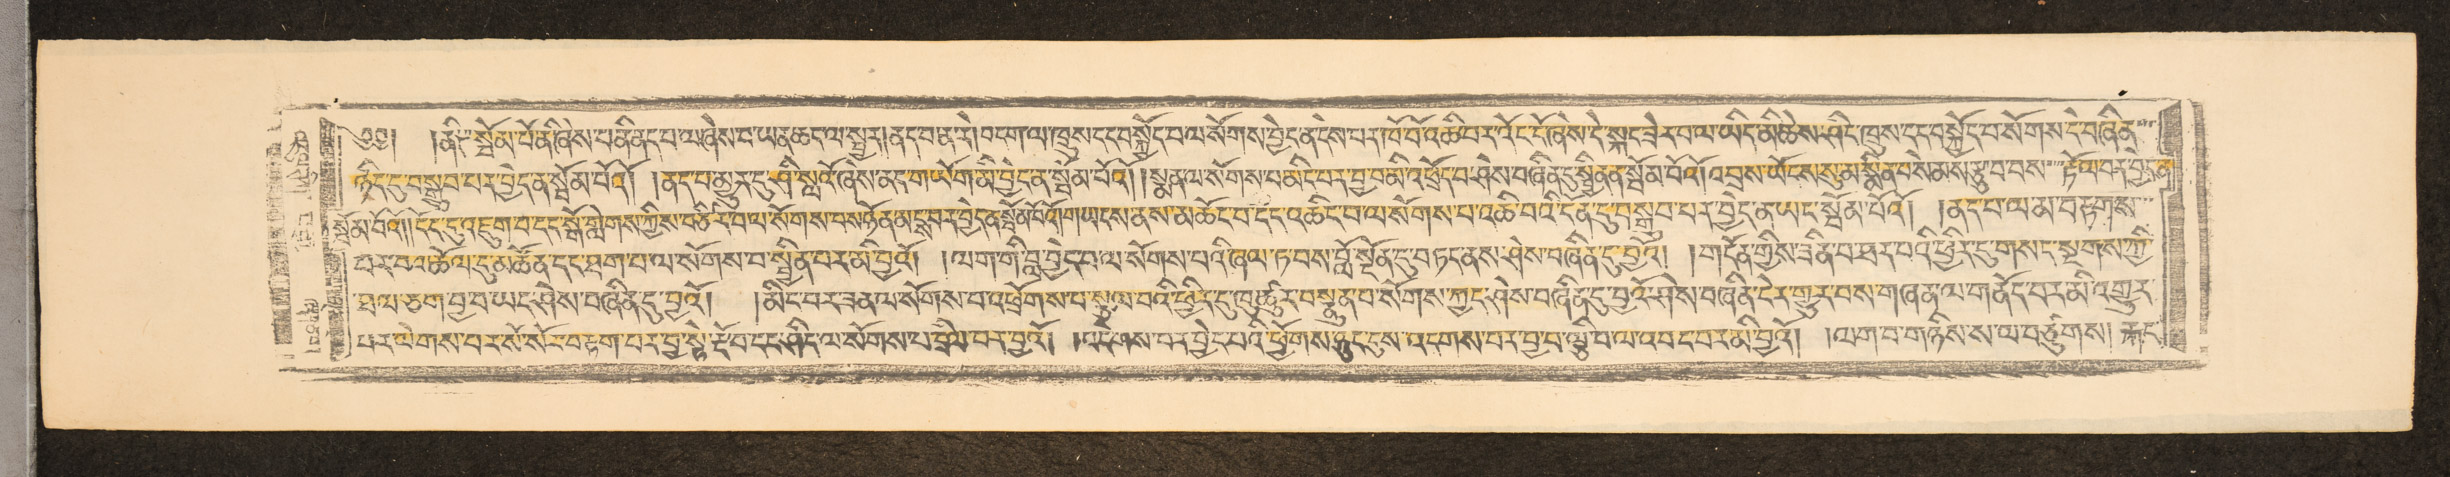༄༅། །ནི༑ སྦོམ་པོ་ནི་ཞེས་པ་ནི་ནད་པ་ལ་ཞེས་པ་ཡན་ཆད་ལ་སྦྱར། ནད་པ་ན་རེ། བདག་ལ་ཁྲུས་དང་བསྐྱོད་པ་ལ་སོགས་བྱེད་ན་ངེས་པར་ཁོ་བོ་འཆི་བར་འོང་ངོ་ཞེས་དེ་སྐད་ཟེར་བ་ལ་ཡིད་མི་ཆེས་ཤིང་ཁྲུས་དང་བསྐྱོད་པ་སོགས་དེ་བཞིན་
ཉིད་དུ་བསྒྲུབ་པར་བྱེད་ན་སྦོམ་པོའོ། །ནད་པ་མྱུར་དུ་ཤི་སླའོ་ཞེས་ནད་གཡོག་མི་བྱེད་ན་སྦོམ་པོའོ། །སྨན་ལ་སོགས་པ་མིད་བར་བྱ་བ་མི་འཕྲོད་བཤེས་བཞིན་དུ་སྦྱིན་ན་སྦོམ་པོའོ། འབྲས་ཡོངས་སུ་མ་སྨིན་པ་སེམས་རྩུབ་པས་རྟོལ་བར་བྱེད་ན་
སྦོམ་པོའོ། །དོང་དུ་འཇུག་པ་དང་སྒོ་གླེགས་ཀྱིས་བཙིར་བ་ལ་སོགས་པས་ཉོན་མོངས་པར་བྱེད་ན་སྦོམ་པོའོ། གཡངས་ནས་མཆོང་པ་དང་འཆིང་བ་ལ་སོགས་པ་འཆི་བའི་དོན་དུ་བསྒྲུབ་པར་བྱེད་ན་ཡང་སྦོམ་པོའོ། །ནད་པ་ལ་མ་བརྟགས་
པར་བབ་ཆོལ་དུ་མཚོན་དང་ཐག་པ་ལ་སོགས་པ་སྦྱིན་པར་མི་བྱའོ། །ལག་གི་བླ་བྱེད་པ་ལ་སོགས་པའི་ཞལ་ཏ་བས་བློ་སྔོན་དུ་བཏང་ནས་ཤེས་བཞིན་དུ་བྱའོ། །གདོན་གྱིས་ཟིན་པ་ཐར་པའི་ཕྱིར་དུ་གསང་སྔགས་ཀྱི་
ཐལ་ཅག་བྱ་བ་ཡང་ཤེས་བཞིན་དུ་བྱའོ། །མིད་པར་ཟན་ལ་སོགས་པ་འཕྲོགས་བ་སྩལ་བའི་ཕྱིར་དུ་ཁུ་ཚུར་བསྣུན་པ་སོགས་ཀྱང་ཤེས་བཞིན་དུ་བྱའོ་ཤེས་བཞིན་དེར་གྱུར་པས་གཞན་ལ་གནོད་པར་མི་འགྱུར་
བར་ལེགས་པར་སོ་སོར་བརྟག་པར་བྱ་སྟེ་རྡོ་བ་དང་ཤིང་ལ་སོགས་པ་དྲིལ་བར་བྱའོ། །འདེགས་པར་བྱེད་པའི་ཕྱོགས་ཉུང་དུས་འདེགས་པར་བྱ་བ་ལྕི་བ་ལ་འབད་པར་མི་བྱའོ། །ལག་བ་གཉིས་ས་ལ་བཙུགས། རྐང་